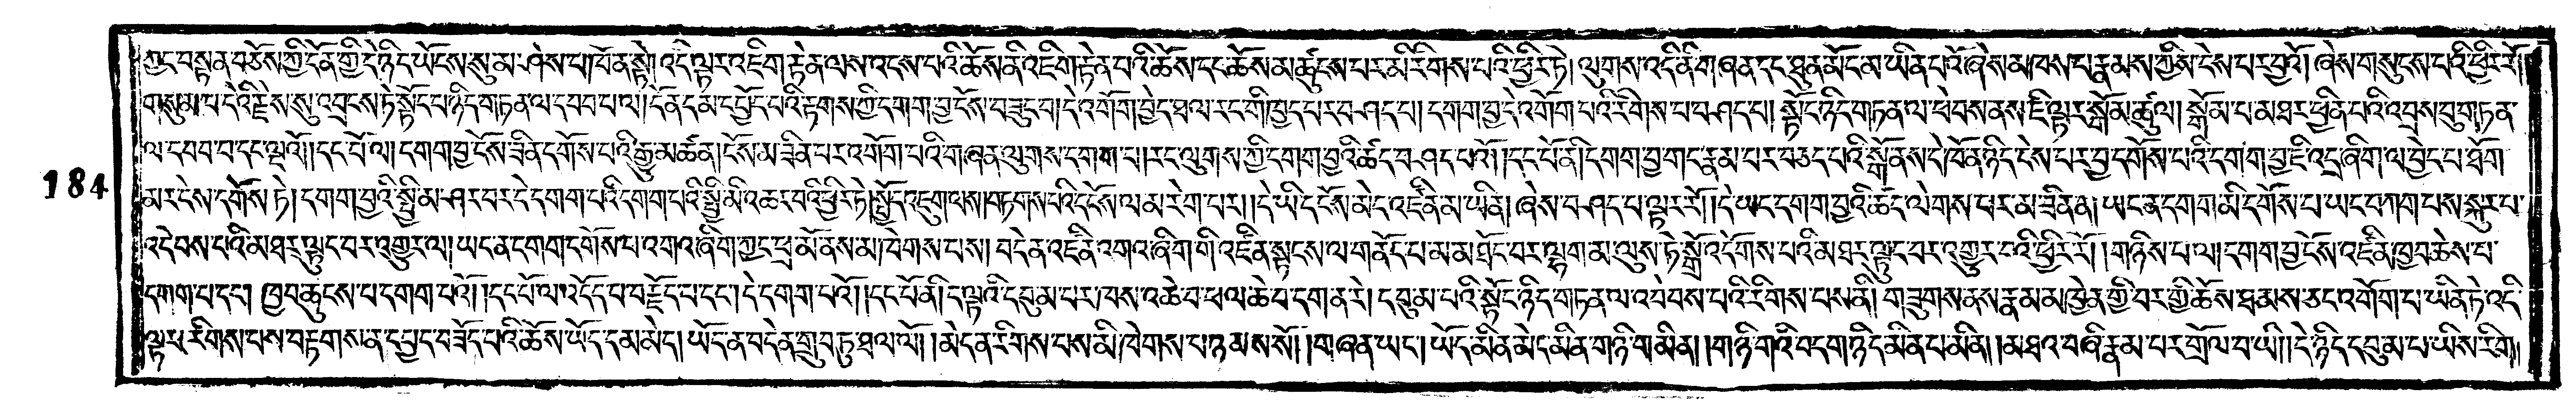ཀྱང་བསྟན་བཅོས་ཀྱི་དོན་གྱི་དེ་ཉིད་ཡོངས་སུ་མ་ཤེས་པ་ཁོ་ན་སྟེ། འདི་ལྟར་འཇིག་རྟེན་ལས་འདས་པའི་ཆོས་ནི་འཇིག་རྟེན་པའི་ཆོས་དང་ཆོས་མཚུངས་པར་མི་རིགས་པའི་ཕྱིར་ཏེ། ལུགས་འདི་ནི་གཞན་དང་ཐུན་མོང་མ་ཡིན་པའོ་ཞེས་མཁས་པ་རྣམས་ཀྱིས་ངེས་པར་བྱའོ། ཞེས་གསུངས་པའི་ཕྱིར་རོ་
གསུམ་པ་དེའི་རྗེས་སུ་འབྲངས་ཏེ་སྟོང་པ་ཉིད་གཏན་ལ་དབབ་པ་ལ། དོན་དམ་དཔྱོད་པའི་རྟགས་ཀྱི་དགག་བྱ་ངོས་བཟུང་བ། དེ་འགོག་བྱེད་ཐལ་རང་གི་ཁྱད་པར་བཤད་པ། དགག་བྱ་དེ་འགོག་པའི་རིགས་པ་བཤད་པ། སྟོང་ཉིད་གཏན་ལ་ཕེབས་ནས་ཇི་ལྟར་སྒོམ་ཚུལ། སྒོམ་པ་མཐར་ཕྱིན་པའི་འབྲས་བུ་གཏན་
ལ་དབབ་པ་དང་ལྔའོ། །དང་པོ་ལ། དགག་བྱ་ངོས་ཟིན་དགོས་པའི་རྒྱུ་མཚན། ངོས་མ་ཟིན་པར་འགོག་པའི་གཞན་ལུགས་དགག་པ། རང་ལུགས་ཀྱི་དགག་བྱའི་ཚད་བཤད་པའོ། །དང་པོ་ནི། དགག་བྱ་གང་རྣམ་པར་བཅད་པའི་སྒོ་ནས་དེ་ཁོ་ན་ཉིད་ངེས་པར་བྱ་དགོས་པའི་དགག་བྱ་ཇི་འདྲ་ཞིག་ལ་བྱེད་པ་ཐོག་
མར་ངེས་དགོས་ཏེ། དགག་བྱའི་སྤྱི་མ་ཤར་བར་དེ་དགག་པའི་དགག་པའི་སྤྱི་མི་འཆང་བའི་ཕྱིར་ཏེ། སྤྱོད་འཇུག་ལས། བཏགས་པའི་དངོས་ལ་མ་རེག་པར། །དེ་ཡི་དངོས་མེད་འཛིན་མ་ཡིན། ཞེས་བཤད་པ་ལྟར་རོ། །དེ་ཡང་དགག་བྱའི་ཚད་ལེགས་པར་མ་ཟིན་ན། ཡང་ན་དགག་མི་དགོས་པ་ཡང་བཀག་པས་སྐུར་པ་
འདེབས་པའི་མཐར་ལྟུང་བར་འགྱུར་ལ། ཡང་ན་དགག་དགོས་པ་འགའ་ཞིག་ཀྱང་ཕྲ་མོ་ནས་མ་ཁེགས་པས། བདེན་འཛིན་འགའ་ཞིག་གི་འཛིན་སྟངས་ལ་གནོད་པ་མ་མཐོང་བ་ལྷག་མ་ལུས་ཏེ་སྒྲོ་འདོགས་པའི་མཐར་ལྟུང་བར་འགྱུར་བའི་ཕྱིར་རོ། །གཉིས་པ་ལ། དགག་བྱ་ངོས་འཛིན་ཁྱབ་ཆེས་པ་
དགག་པ་དང་། ཁྱབ་ཚུངས་པ་དགག་པའོ། །དང་པོ་ལ་འདོད་པ་བརྗོད་པ་དང་། དེ་དགག་པའོ། །དང་པོ་ནི། ད་ལྟའི་དབུ་མ་པར་ཁས་འཆེ་བ་ཕལ་ཆེ་བ་དག་ན་རེ། དབུ་མ་པའི་སྟོང་ཉིད་གཏན་ལ་འབེབས་པའི་རིགས་པས་ནི། གཟུགས་ནས་རྣམ་མཁྱེན་གྱི་བར་གྱི་ཆོས་ཐམས་ཅད་འགོག་པ་ཡིན་ཏེ་འདི་
ལྟར༑ རིགས་པས་བརྟགས་ན་དཔྱད་བཟོད་པའི་ཆོས་ཡོད་དམ་མེད། ཡོད་ན་བདེན་གྲུབ་ཏུ་ཐལ་ལོ། །མེད་ན་རིགས་པས་མི་ཁེགས་པ་ཉམས་སོ། །གཞན་ཡང་། ཡོད་མིན་མེད་མིན་གཉི་ག་མིན། །གཉི་གའི་བདག་ཉིད་མིན་པ་མིན། །མཐའ་བཞི་རྣམ་པར་གྲོལ་བ་ཡི། །དེ་ཉིད་དབུ་མ་པ་ཡིས་རིག།